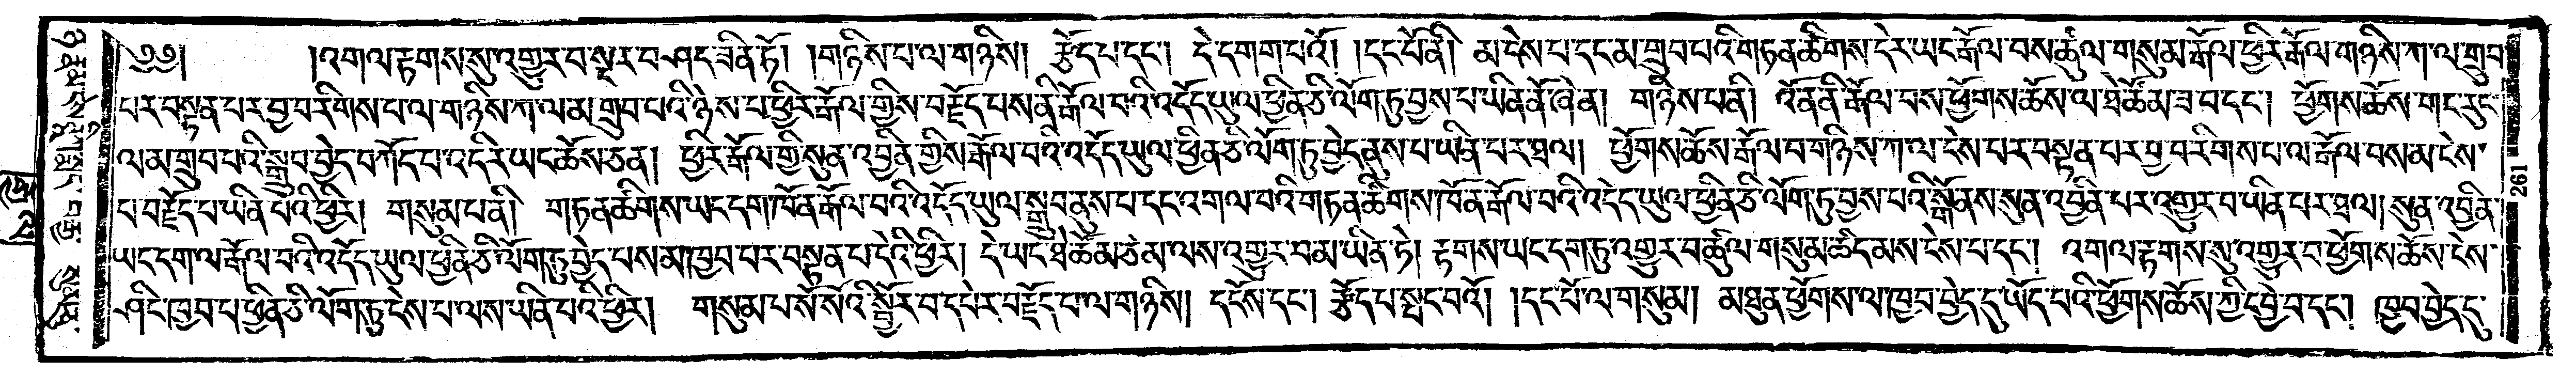༄༅། །འགལ་རྟགས་སུ་འགྱུར་བ་སྔར་བཤད་ཟིན་ཏོ། །གཉིས་པ་ལ་གཉིས། རྩོད་པ་དང་། དེ་དགག་པའོ། །དང་པོ་ནི། མ་དེས་པ་དང་མ་གྲུབ་པའི་གཏན་ཚིགས་དེར་ཡང་རྒོལ་བས་ཚུལ་གསུམ་རྒོལ་ཕྱིར་རྒོལ་གཉིས་ཀ་ལ་གྲུབ་
པར་བསྟན་པར་བྱ་བ་རིགས་པ་ལ་གཉིས་ཀ་ལ་མ་གྲུབ་པའི་ཉེས་པ་ཕྱིར་རྒོལ་གྱིས་བརྗོད་པས་ནི་རྒོལ་བའི་འདོད་ཡུལ་ཕྱིན་ཅི་ལོག་ཏུ་བྱས་པ་ཡིན་ནོ་ཞེ་ན། གཉིས་པ་ནི། འོ་ན་ནི་རྒོལ་བས་ཕྱོགས་ཆོས་ལ་ཐེ་ཚོམ་ཟ་བ་དང་། ཕྱོགས་ཆོས་གང་རུང་
ལ་མ་གྲུབ་པའི་སྒྲུབ་བྱེད་བཀོད་པ་འདིར་ཡང་ཆོས་ཅན། ཕྱིར་རྒོལ་གྱི་སུན་འབྱིན་གྱིས་རྒོལ་བའི་འདོད་ཡུལ་ཕྱིན་ཅི་ལོག་ཏུ་བྱེད་ནུས་པ་ཡིན་པར་ཐལ། ཕྱོགས་ཆོས་རྒོལ་བ་གཉིས་ཀ་ལ་ངེས་པར་བསྟན་པར་བྱ་བ་རིགས་པ་ལ་རྒོལ་བས་མ་ངེས་
པ་བརྗོད་པ་ཡིན་པའི་ཕྱིར། གསུམ་པ་ནི། གཏན་ཚིགས་ཡང་དག་ཁོ་ན་རྒོལ་བའི་འདོད་ཡུལ་སྒྲུབ་ནུས་པ་དང་འགལ་བའི་གཏན་ཚིགས་ཁོ་ན་རྒོལ་བའི་འདོད་ཡུལ་ཕྱིན་ཅི་ལོག་ཏུ་བྱས་པའི་སྒོ་ནས་སུན་འབྱིན་པར་འགྱུར་བ་ཡིན་པར་ཐལ། སུན་འབྱིན་
ཡང་དག་ལ་རྒོལ་བའི་འདོད་ཡུལ་ཕྱིན་ཅི་ལོག་ཏུ་བྱེད་པས་མ་ཁྱབ་པར་བསྟན་པ་དེའི་ཕྱིར། དེ་ཡང་ཐེ་ཚོམ་ཙམ་ལས་འགྱུར་བ་མ་ཡིན་ཏེ། རྟགས་ཡང་དག་ཏུ་འགྱུར་བ་ཚུལ་གསུམ་ཚད་མས་ངེས་པ་དང་། འགལ་རྟགས་སུ་འགྱུར་བ་ཕྱོགས་ཆོས་ངེས་
ཤིང་ཁྱབ་པ་ཕྱིན་ཅི་ལོག་ཏུ་ངེས་པ་ལས་ཡིན་པའི་ཕྱིར། གསུམ་པ་སོ་སོའི་སྦྱོར་བ་དཔེར་བརྗོད་པ་ལ་གཉིས། དངོས་དང་། རྩོད་པ་སྤང་བའོ། །དང་པོ་ལ་གསུམ། མཐུན་ཕྱོགས་ལ་ཁྱབ་བྱེད་དུ་ཡོད་པའི་ཕྱོགས་ཆོས་ཀྱི་དབྱེ་བ་དང་། ཁྱབ་བྱེད་དུ་